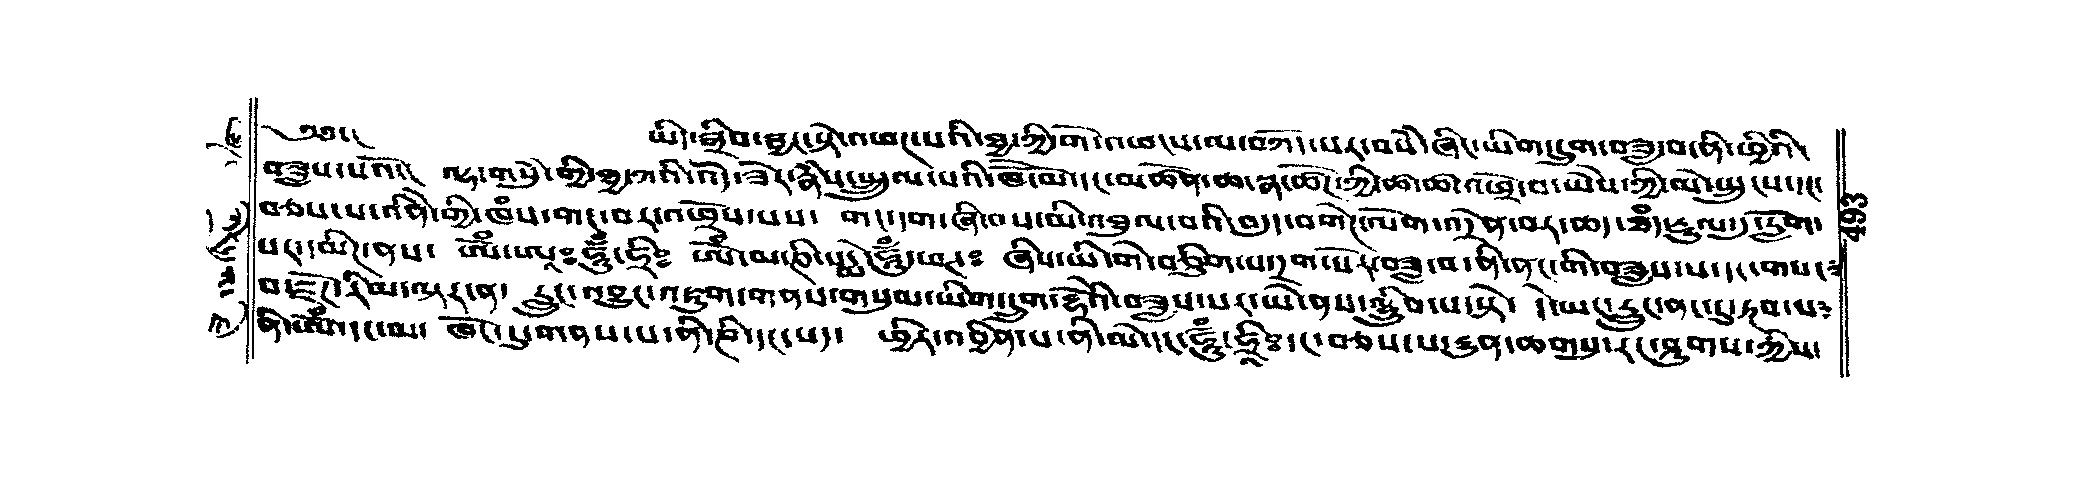ཡིད་སྒྲིབ་སྦྱང་སྟེ་འཕགས་པའི་ཐུགས་ཀྱི་གོ་འཕང་ལ་བཀོད་པར་བསམ་ཞིང་ཡིག་དྲུག་བཟླ་བ་ནི་ཕྱིའི་
བཟླས་པའོ། ལྷ་གསུམ་གྱི་ཐུགས་ཀའི་འོད་ཟེར་རྣམས་སྤྲུལ་པའི་ཁོ་མོ་དང་མཚོན་ཆ་སྣ་ཚོགས་ཀྱི་ཚ་ཚ་འཕྲོ་བ་ཡེ་ཤེས་ཀྱི་མེ་སྤུངས་དང་
བཅས་པ་འཇིག་རྟེན་གྱི་ཁམས་གང་བར་འཕྲོས་པས། གང་དག་ཞི་བས་མི་འཐུལ་བའི་བདུད་བགེགས་ལོག་འདྲེན་བར་ཆད་ཐམས་ཅད་རྡུལ་དུ་རློག་
པར་དམིགས་ནས། ཨོྃ་ཨཱཿཧཱུྃ་ཧྲཱིཿ ཨོྃ་མ་ཎི་པདྨེ་ཧཱུྃ་ཕཊཿ ཞེས་ཡི་གེ་བཅུ་གཅིག་པ་དྲག་པོར་བཟླ་བ་ནི་ནང་གི་བཟླས་པ་དང་གསང་
བ་རྫོགས་རིམ་ལྟར་ན། རླུང་འབྱུང་འཇུག་གནས་གསུམ་ཡིག་དྲུག་རྡོ་རྗེའི་བཟླས་པར་ཡེ་ནས་ལྷུན་གྱིས་གྲུབ་པ་སྟེ། དེ་ཡང་རླུང་ནང་དུ་རྔུབ་པ་
ནི་ཨོྃ་དང་མ། ཁོང་དུ་གནས་པ་ནི་ཎི་དང་པད། ཕྱིར་འབྱིན་པ་ནི་མེ་དང་ཧཱུྃ་ཧྲཱིཿདང་བཅས་པ་རྒྱུན་ཆགས་སུ་རང་ཤུགས་ཀྱིས་